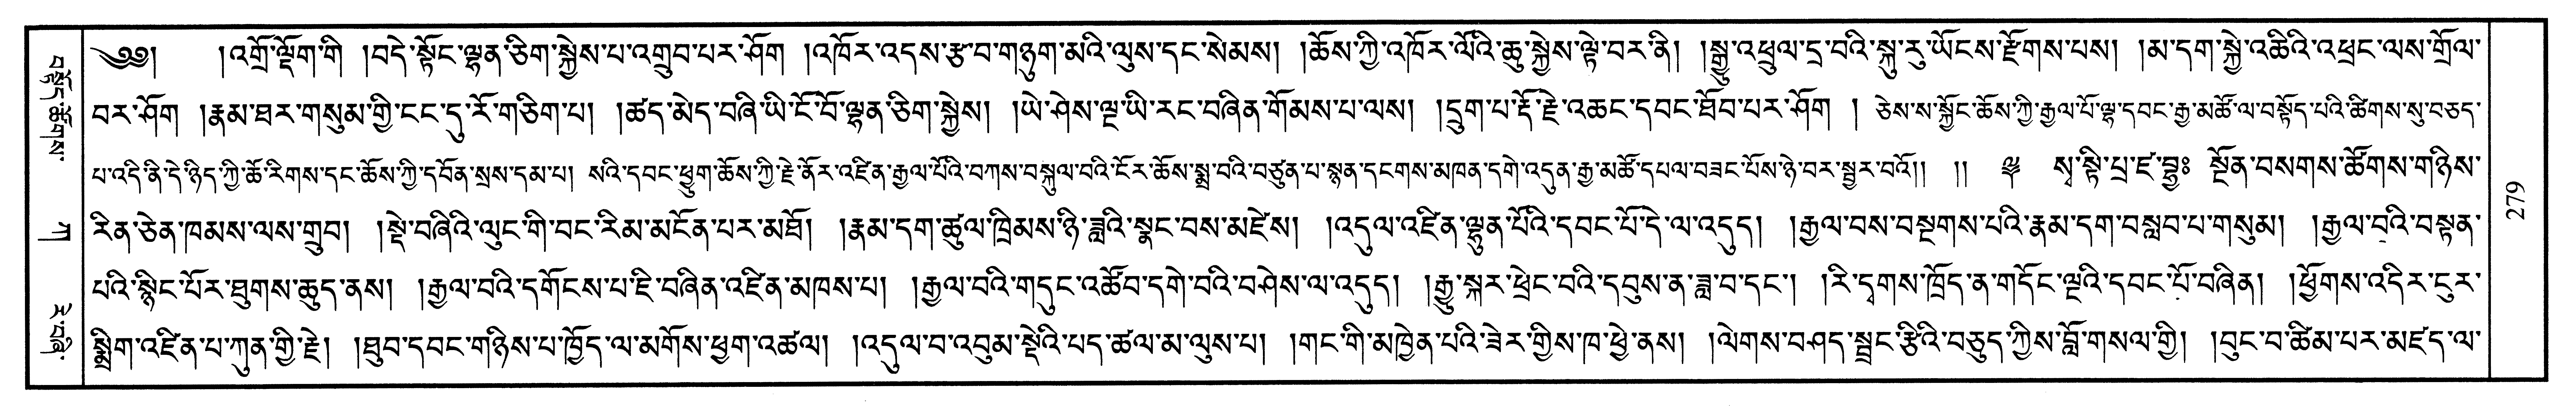༄༅། །འགྲོ་ལྡོག་གི །བདེ་སྟོང་ལྷན་ཅིག་སྐྱེས་པ་འགྲུབ་པར་ཤོག །འཁོར་འདས་རྩ་བ་གཉུག་མའི་ལུས་དང་སེམས། །ཆོས་ཀྱི་འཁོར་ལོའི་ཆུ་སྐྱེས་ལྟེ་བར་ནི། །སྒྱུ་འཕྲུལ་དྲ་བའི་སྐུ་རུ་ཡོངས་རྫོགས་པས། །མ་དག་སྐྱེ་འཆིའི་འཕྲང་ལས་གྲོལ་
བར་ཤོག །རྣམ་ཐར་གསུམ་གྱི་ངང་དུ་རོ་གཅིག་པ། །ཚད་མེད་བཞི་ཡི་ངོ་བོ་ལྷན་ཅིག་སྐྱེས། །ཡེ་ཤེས་ལྔ་ཡི་རང་བཞིན་གོམས་པ་ལས། །དྲུག་པ་རྡོ་རྗེ་འཆང་དབང་ཐོབ་པར་ཤོག །ཅེས་ས་སྐྱོང་ཆོས་ཀྱི་རྒྱལ་པོ་ལྷ་དབང་རྒྱ་མཚོ་ལ་བསྟོད་པའི་ཚིགས་སུ་བཅད་
པ་འདི་ནི་དེ་ཉིད་ཀྱི་ཆོ་རིགས་དང་ཆོས་ཀྱི་དབོན་སྲས་དམ་པ། སའི་དབང་ཕྱུག་ཆོས་ཀྱི་རྗེ་ནོར་འཛིན་རྒྱལ་པོའི་བཀས་བསྐུལ་བའི་ངོར་ཆོས་སྨྲ་བའི་བཙུན་པ་སྙན་དངགས་མཁན་དགེ་འདུན་རྒྱ་མཚོ་དཔལ་བཟང་པོས་ཉེ་བར་སྦྱར་བའོ།། །། ༈ སྭ་སྟི་པྲ་ཛ་བྷྱཿ སྔོན་བསགས་ཚོགས་གཉིས་
རིན་ཅེན་ཁམས་ལས་གྲུབ། །སྡེ་བཞིའི་ལུང་གི་བང་རིམ་མངོན་པར་མཐོ། །རྣམ་དག་ཚུལ་ཁྲིམས་ཉི་ཟླའི་སྣང་བས་མཛེས། །འདུལ་འཛིན་ལྷུན་པོའི་དབང་པོ་དེ་ལ་འདུད། །རྒྱལ་བས་བསྔགས་པའི་རྣམ་དག་བསླབ་པ་གསུམ། །རྒྱལ་བའི་བསྟན་
པའི་སྙིང་པོར་ཐུགས་ཆུད་ནས། །རྒྱལ་བའི་དགོངས་པ་ཇི་བཞིན་འཛིན་མཁས་པ། །རྒྱལ་བའི་གདུང་འཚོབ་དགེ་བའི་བཤེས་ལ་འདུད། །རྒྱུ་སྐར་ཕྲེང་བའི་དབུས་ན་ཟླ་བ་དང་། །རི་དྭགས་ཁྲོད་ན་གདོང་ལྔའི་དབང་པོ་བཞིན། །ཕྱོགས་འདིར་ངུར་
སྨྲིག་འཛིན་པ་ཀུན་གྱི་རྗེ། །ཐུབ་དབང་གཉིས་པ་ཁྱོད་ལ་མགོས་ཕྱག་འཚལ། །འདུལ་བ་འབུམ་སྡེའི་པད་ཚལ་མ་ལུས་པ། །གང་གི་མཁྱེན་པའི་ཟེར་གྱིས་ཁ་ཕྱེ་ནས། །ལེགས་བཤད་སྦྲང་རྩིའི་བཅུད་ཀྱིས་བློ་གསལ་གྱི། །བུང་བ་ཚིམ་པར་མཛད་ལ་